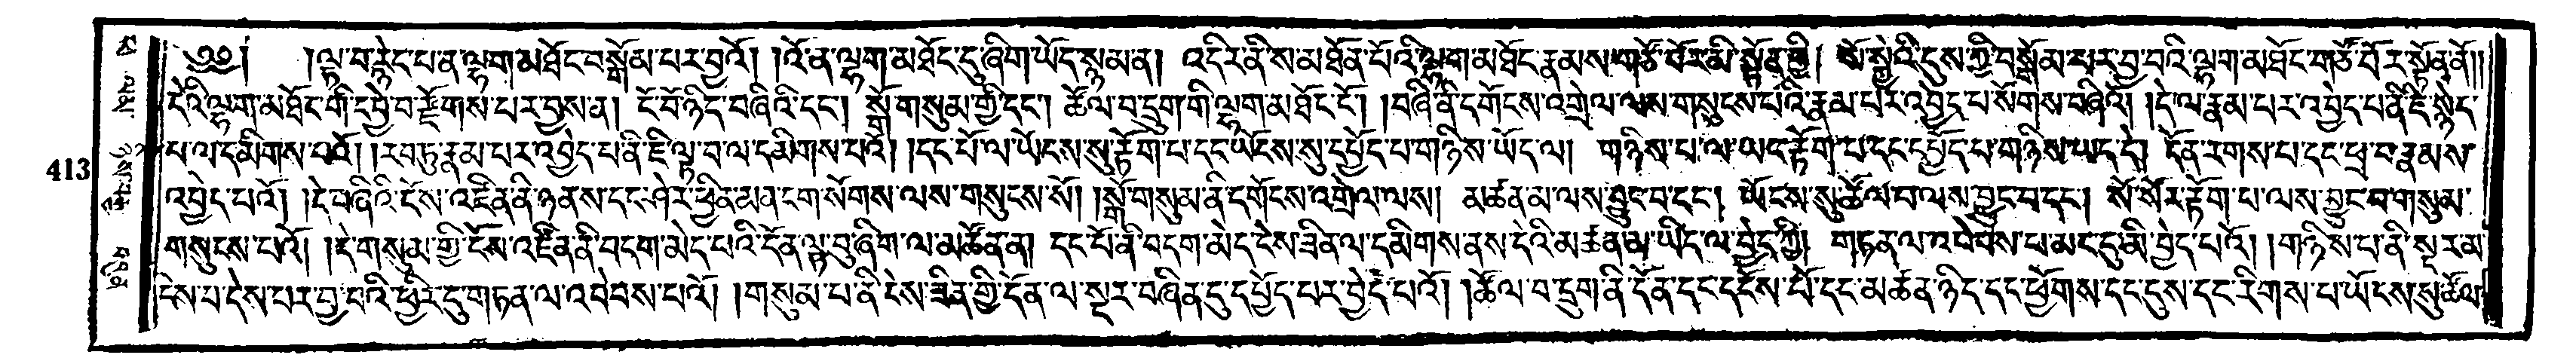༄༅། །ལྟ་བ་རྙེད་པ་ན་ལྷག་མཐོང་བསྒོམ་པར་བྱའོ། །འོ་ན་ལྷག་མཐོང་དུ་ཞིག་ཡོད་སྙམ་ན། འདིར་ནི་ས་མཐོན་པོའི་ལྷག་མཐོང་རྣམས་གཙོ་བོར་མི་སྟོན་གྱི། སོ་སྐྱེའི་དུས་ཀྱི་བསྒོམ་པར་བྱ་བའི་ལྷག་མཐོང་གཙོ་བོར་སྟོན་ནོ།།
དེའི་ལྷག་མཐོང་གི་དབྱེ་བ་རྫོགས་པར་བྱས་ན། ངོ་བོ་ཉིད་བཞིའི་དང་། སྒོ་གསུམ་གྱི་དང་། ཚོལ་བ་དྲུག་གི་ལྷག་མཐོང་ངོ། །བཞི་ནི་དགོངས་འགྲེལ་ལས་གསུངས་པའི་རྣམ་པར་འབྱེད་པ་སོགས་བཞིའོ། །དེ་ལ་རྣམ་པར་འབྱེད་པ་ནི་ཇི་སྙེད་
པ་ལ་དམིགས་བའོ། །རབ་ཏུ་རྣམ་པར་འབྱེད་པ་ནི་ཇི་ལྟ་བ་ལ་དམིགས་པའོ། །དང་པོ་ལ་ཡོངས་སུ་རྟོག་པ་དང་ཡོངས་སུ་དཔྱོད་པ་གཉིས་ཡོད་ལ། གཉིས་པ་ལ་ཡང་རྟོག་པ་དང་དཔྱོད་པ་གཉིས་ཡད་དེ། དོན་རགས་པ་དང་ཕྲ་བ་རྣམས་
འབྱེད་པའོ། །དེ་བཞིའི་ངོས་འཛིན་ནི་ཉན་ས་དང་ཤེར་ཕྱིན་མན་ངག་སོགས་ལས་གསུངས་སོ། །སྒོ་གསུམ་ནི་དགོངས་འགྲེལ་ལས། མཚན་མ་ལས་བྱུང་བ་དང་། ཡོངས་སུ་ཚོལ་བ་ལས་བྱུང་བ་དང་། སོ་སོར་རྟོག་པ་ལས་བྱུང་བ་གསུམ་
གསུངས་པའོ། །དེ་གསུམ་གྱི་ངོས་འཛིན་ནི་བདག་མེད་པའི་དོན་ལྟ་བུ་ཞིག་ལ་མཚོན་ན། དང་པོ་ནི་བདག་མེད་ངེས་ཟིན་ལ་དམིགས་ནས་དེའི་མཚན་མ་ཡིད་ལ་བྱེད་ཀྱི། གཏན་ལ་འབེབས་པ་མང་དུ་མི་བྱེད་པའོ། །གཉིས་པ་ནི་སྔར་མ་
ངེས་པ་དེས་པར་བྱ་བའི་ཕྱིར་དུ་གཏན་ལ་འབེབས་པའོ། །གསུམ་པ་ནི་ངེས་ཟིན་གྱི་དོན་ལ་སྔར་བཞིན་དུ་དཔྱོད་པར་བྱེད་པའོ། །ཚོལ་བ་དྲུག་ནི་དོན་དང་དངོས་པོ་དང་མཚན་ཉིད་དང་ཕྱོགས་དང་དུས་དང་རིགས་པ་ཡོངས་སུ་ཚོལ་